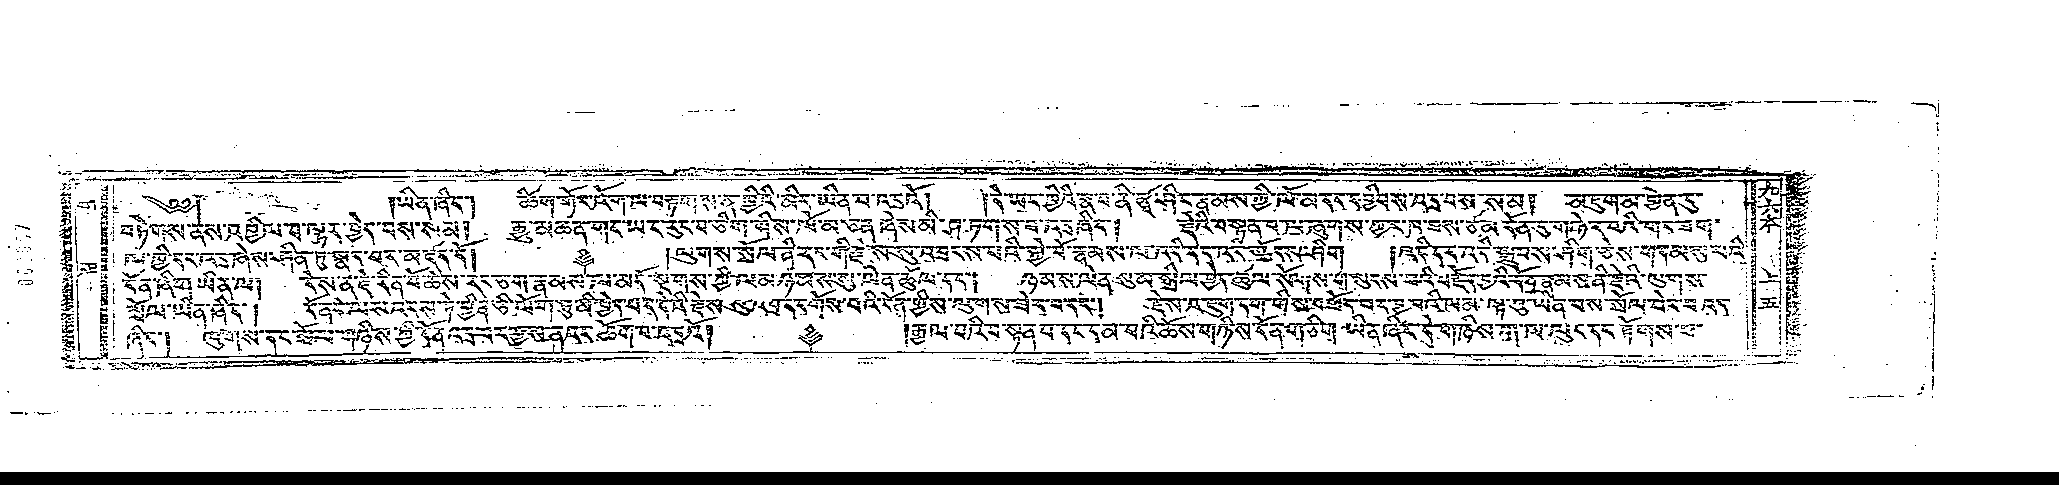༄༅། །ཡིན་ཞིང་། ཚིག་གོང་འོག་ལ་བསྟགས་ན་ཁྱིའི་མིང་ཡིན་བ་འདྲའོ། །དེ་ཡང་ཁྱིའི་རྣ་བ་ནི་རྩྭ་ཤིང་རྣམས་ཀྱི་ལོ་མ་དང་དབྱིབས་འདྲ་བས་སམ། མཇུག་མ་གྱེན་དུ་
བཏེགས་ནས་འཁྱིལ་བ་ལྟར་བྱེད་པས་སམ། རྒྱུ་མཚན་གང་ཡང་རུང་བ་ཅིག་གིས་ལོ་མ་ཅན་ཞེས་མིང་བཏགས་བ་འདྲ་ཞིང་། རྗེའི་བསྟན་པ་ལ་ཞུགས་ཀྱང་ཁ་ཟས་ཙམ་དོན་དུ་གཉེར་པའི་གང་ཟག་
ལ་ཁྱི་དང་འདྲ་ཞེས་ཤིན་ཏུ་སྨད་པར་མཛད་དོ། ༈ །ལུགས་སྲོལ་ནི་རང་གི་རྗེས་སུ་འབྲངས་པའི་སྐྱེ་བོ་རྣམས་ལ་འདི་དང་འདི་སྤོངས་ཤིག །འདི་དང་འདི་སྒྲུབས་ཤིག་ཅེས་གདམས་པའི་
དོན་ཞིག་ཡིན་ལ། ངེས་ན་རྗེ་རིན་པོ་ཆེས་རང་ཅག་རྣམས་ལ་མདོ་སྔགས་ཀྱི་ལམ་ཉམས་སུ་ལེན་ཚུལ་དང་། ཉམས་ལེན་སུམ་སྒྲིལ་ཕྱེད་ཚུལ་སོགས་གསུངས་པའི་བརྗོད་བྱའི་དོན་རྣམས་ནི་རྗེའི་ལུགས་
སྲོལ་ཡིན་ཞིང་། དོན་དེ་ལས་འདས་ཏེ་ཕྱིན་ཅི་ལོག་ཏུ་མི་བྱེད་པར་དེའི་རྗེས་སུ་འབྲང་དགོས་པའི་དོན་གྱིས་ལུགས་ཟེར་བ་དང་། རྗེས་འཇུག་དག་གིས་བགྲོང་པར་བྱ་བའི་ལམ་ལྟ་བུ་ཡིན་པས་སྲོལ་ཕེར་བ་འདྲ་
ཞིང་། ལུགས་དང་སྲོལ་གཉིས་ཀྱི་དོན་འདྲ་བར་བྱས་ནའང་ཆོག་པ་འདྲའོ། ༈ །རྒྱལ་བའི་བསྟན་པ་དང་དམ་པའི་ཆོས་གཉིས་དོན་གཅིག་ཡིན་ཞིང་དེ་གཉིས་ཀ་ལ་ལུང་དང་རྟོགས་པ